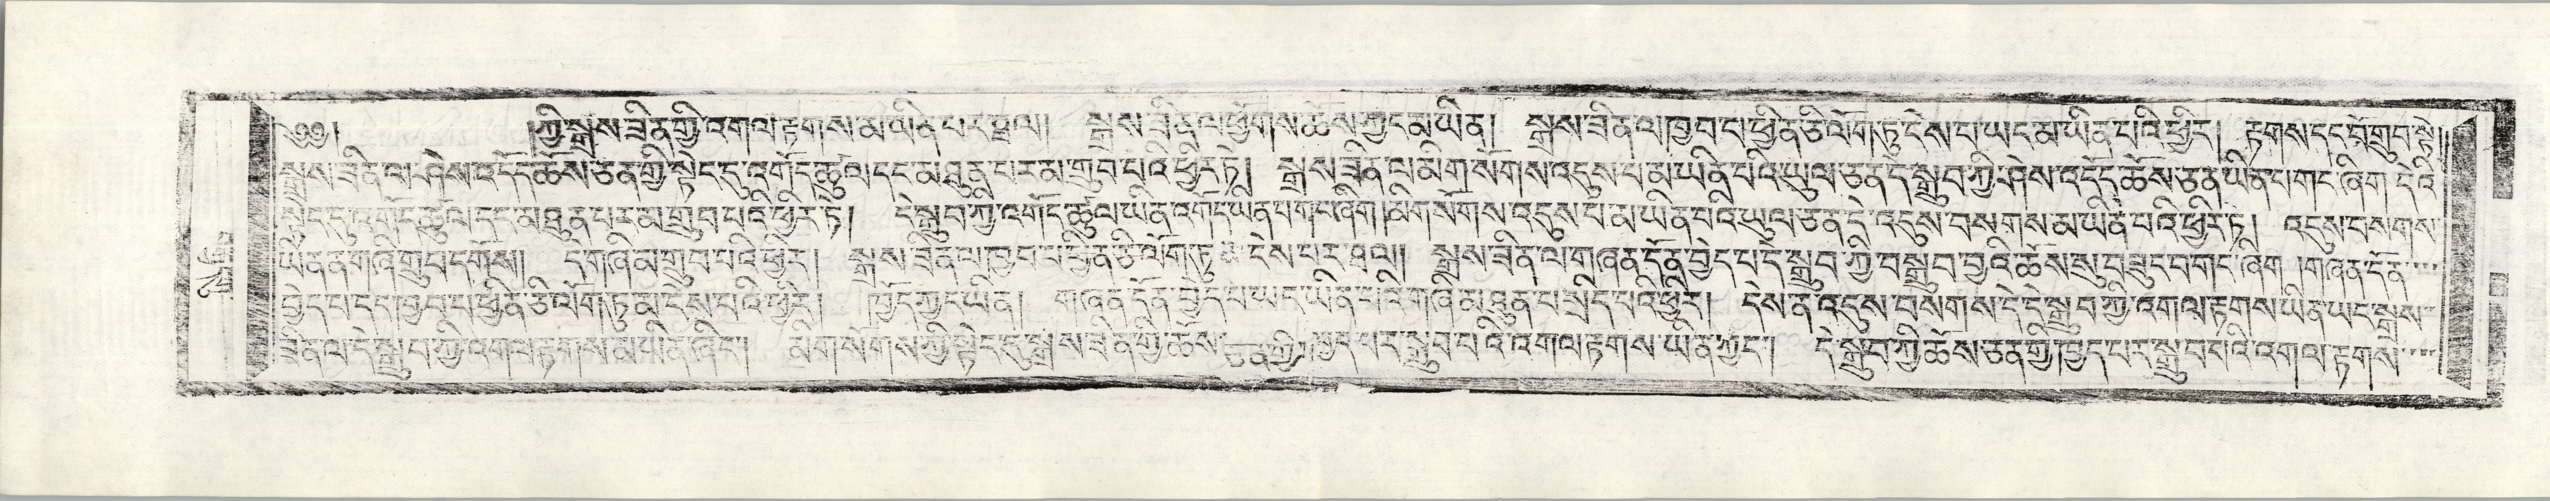༄༅། །ཀྱི་སྒྲས་ཟིན་གྱི་འགལ་རྟགས་མ་ཡིན་པར་ཐལ། སྒྲས་ཟིན་ལ་ཕྱོགས་ཆོས་ཀྱང་མ་ཡིན། སྒྲས་ཟིན་ལ་ཁྱབ་པ་ཕྱིན་ཅི་ལོག་ཏུ་ངེས་པ་ཡང་མ་ཡིན་པའི་ཕྱིར། རྟགས་དང་བོ་གྲུབ་སྟེ།
སྒྲས་ཟིན་ལ་ཤེས་འདོད་ཆོས་ཅན་གྱི་སྟེང་དུ་འགོད་ཚུལ་དང་མཐུན་པར་མ་གྲུབ་པའི་ཕྱིར་ཏེ། སྒྲས་ཟིན་ལ་མིག་སོགས་འདུས་པ་མ་ཡིན་པའི་ཡུལ་ཅན་དེ་སྒྲུབ་ཀྱི་ཤེས་འདོད་ཆོས་ཅན་ཡིན་པ་གང་ཞིག་དེའི་
སྟེང་དུ་འགོད་ཚུལ་དང་མཐུན་པར་མ་གྲུབ་པའི་ཕྱིར་ཏེ། དེ་སྒྲུབ་ཀྱི་འགོད་ཚུལ་ཡིན་འགོད་ཡིན་པ་གང་ཞིག །མིག་སོགས་འདུས་པ་མ་ཡིན་པའི་ཡུལ་ཅན་དེ་འདུས་བསགས་མ་ཡིན་པའི་ཕྱིར་ཏེ། འདུས་བསགས་
ཡིན་ན་གཞི་གྲུབ་དགོས། དེ་གཞི་མ་གྲུབ་པའི་ཕྱིར། སྒྲས་ཟིན་ལ་ཁྱབ་པ་ཕྱིན་ཅི་ལོག་ཏུ་མ་ངེས་པར་ཐལ། སྒྲས་ཟིན་ལ་གཞན་དོན་བྱེད་པ་དེ་སྒྲུབ་ཀྱི་བསྒྲུབ་བྱའི་ཆོས་སུ་བཟུང་བ་གང་ཞིག །གཞན་དོན་
བྱེད་པ་དང་ཁྱབ་པ་ཕྱིན་ཅི་ལོག་ཏུ་མ་ངེས་པའི་ཕྱིར། ཁྱོད་ཀྱང་ཡིན། གཞན་དོན་བྱེད་པ་ཡང་ཡིན་པའི་གཞི་མཐུན་པ་སྲིད་པའི་ཕྱིར། དེས་ན་འདུས་བསགས་དེ་དེ་སྒྲུབ་ཀྱི་འགལ་རྟགས་ཡིན་ཡང་སྒྲས་
ཟིན་ལ་དེ་སྒྲུབ་ཀྱི་འགལ་རྟགས་མ་ཡིན་ཞིང་། མིག་སོགས་ཀྱི་སྟེང་དུ་སྒྲས་ཟིན་གྱི་ཆོས་ཅན་གྱི་ཁྱད་པར་སྒྲུབ་པའི་འགལ་རྟགས་ཡིན་ཀྱང་། དེ་སྒྲུབ་ཀྱི་ཆོས་ཅན་གྱི་ཁྱད་པར་སྒྲུབ་པའི་འགལ་རྟགས་